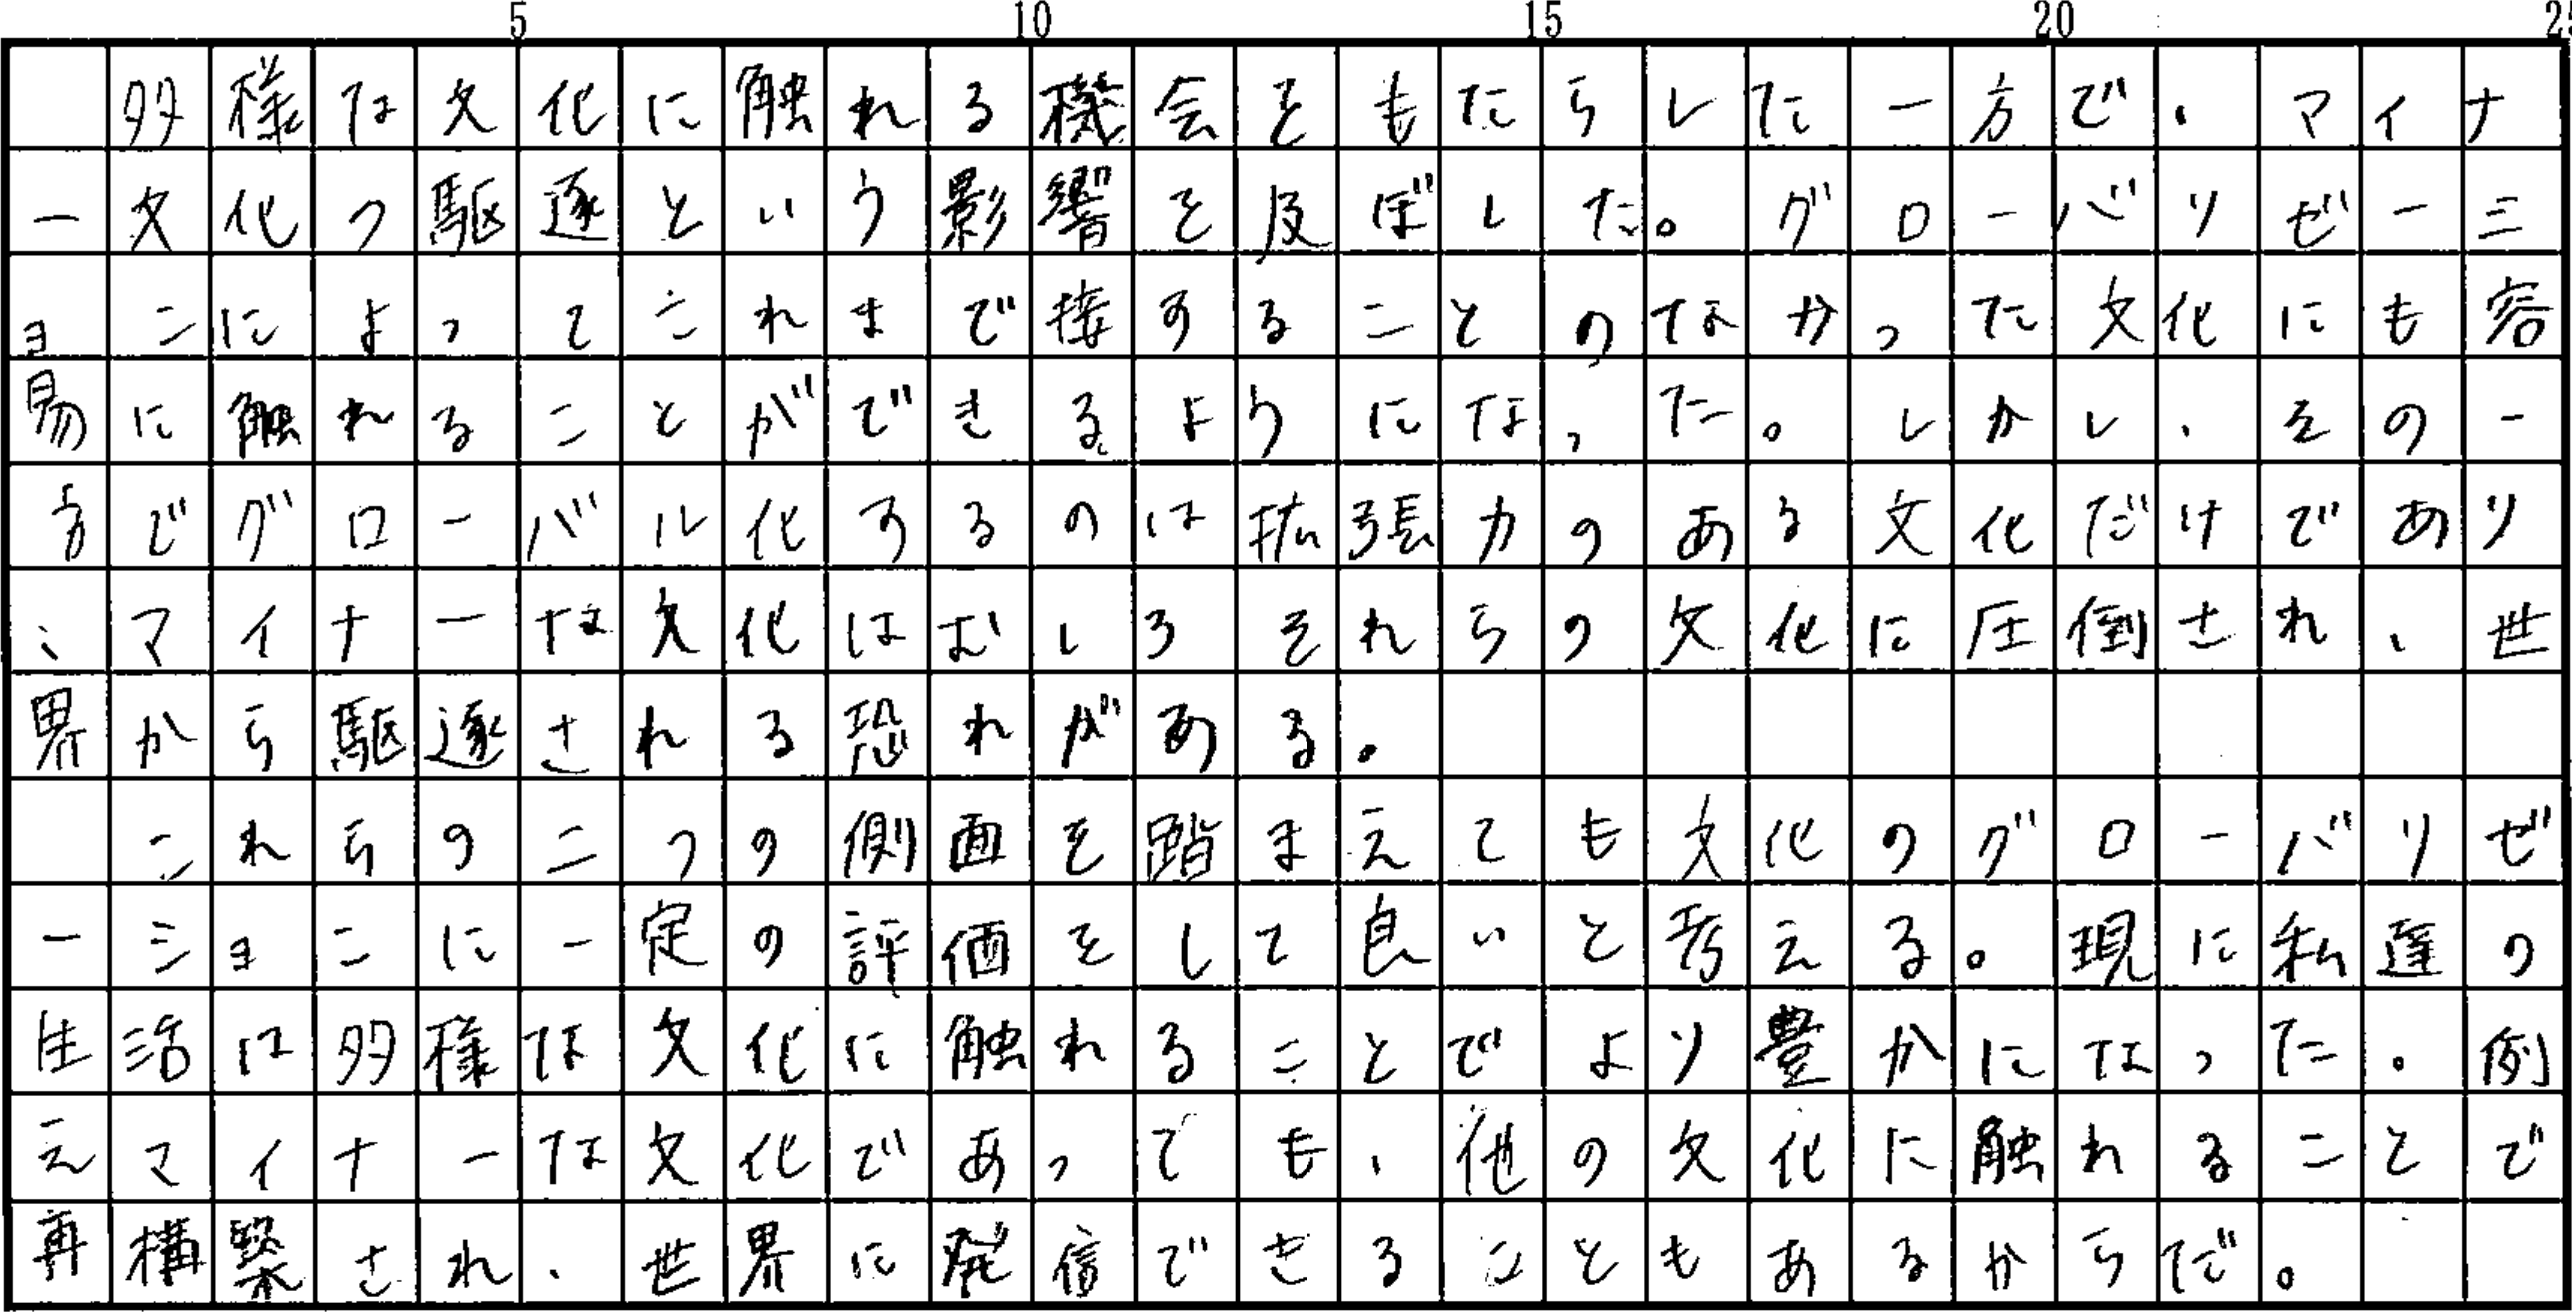　多様な文化に触れる機会をもたらした一方で、マイナー文化の駆逐という影響を及ぼした。グローバリゼーションによってこれまで接することのなかった文化にも容易に触れることができるようになった。しかし、その一方でグローバル化するのは拡張力のある文化だけであり、マイナーな文化はむしろそれらの文化に圧倒され、世界から駆逐される恐れがある。
　これらの二つの側面を踏まえても文化のグローバリゼーションに一定の評価をして良いと考える。現に私達の生活は多様な文化に触れることでより豊かになった。例えマイナーな文化であっても、他の文化に触れることで再構築され、世界に発信できることもあるからだ。
